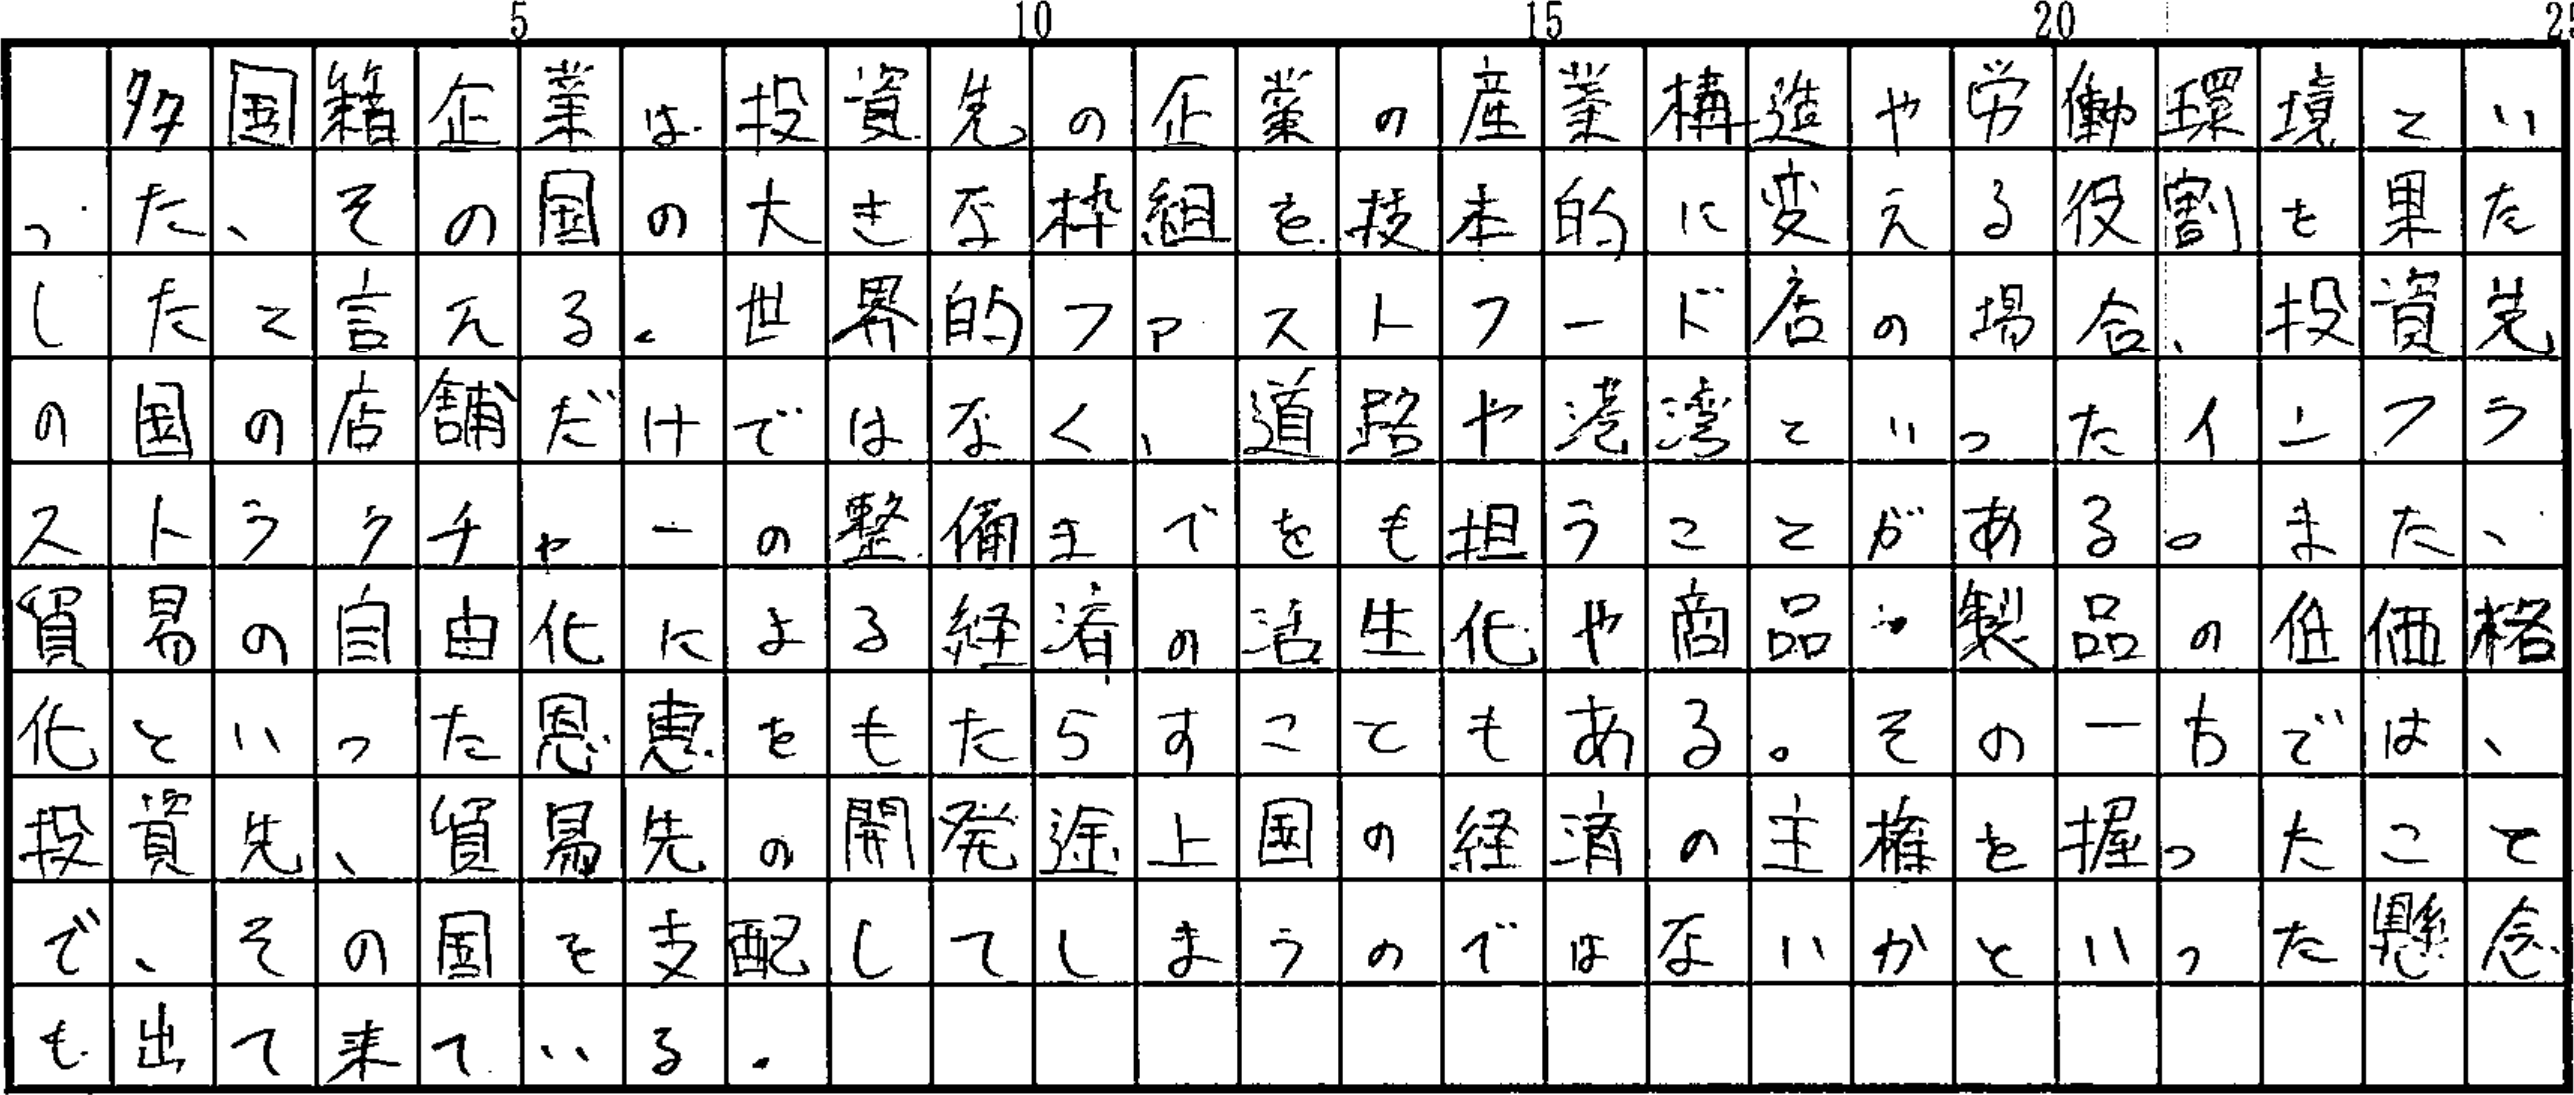　多国籍企業は投資先の企業の産業構造や労働環境といった、その国の大きな枠組を技本的に変える役割を果たしたと言える。世界的ファストフード店の場合、投資先の国の店舗だけではなく、道路や港湾といったインフラストラクチャーの整備までをも担うことがある。また、貿易の自由化による経済の活生化や商品・製品の低価格化といった恩恵をもたらすこともある。その一方では、投資先、貿易先の開発途上国の経済の主権を握ったことで、その国を支配してしまうのではないかといった懸念も出て来ている。
